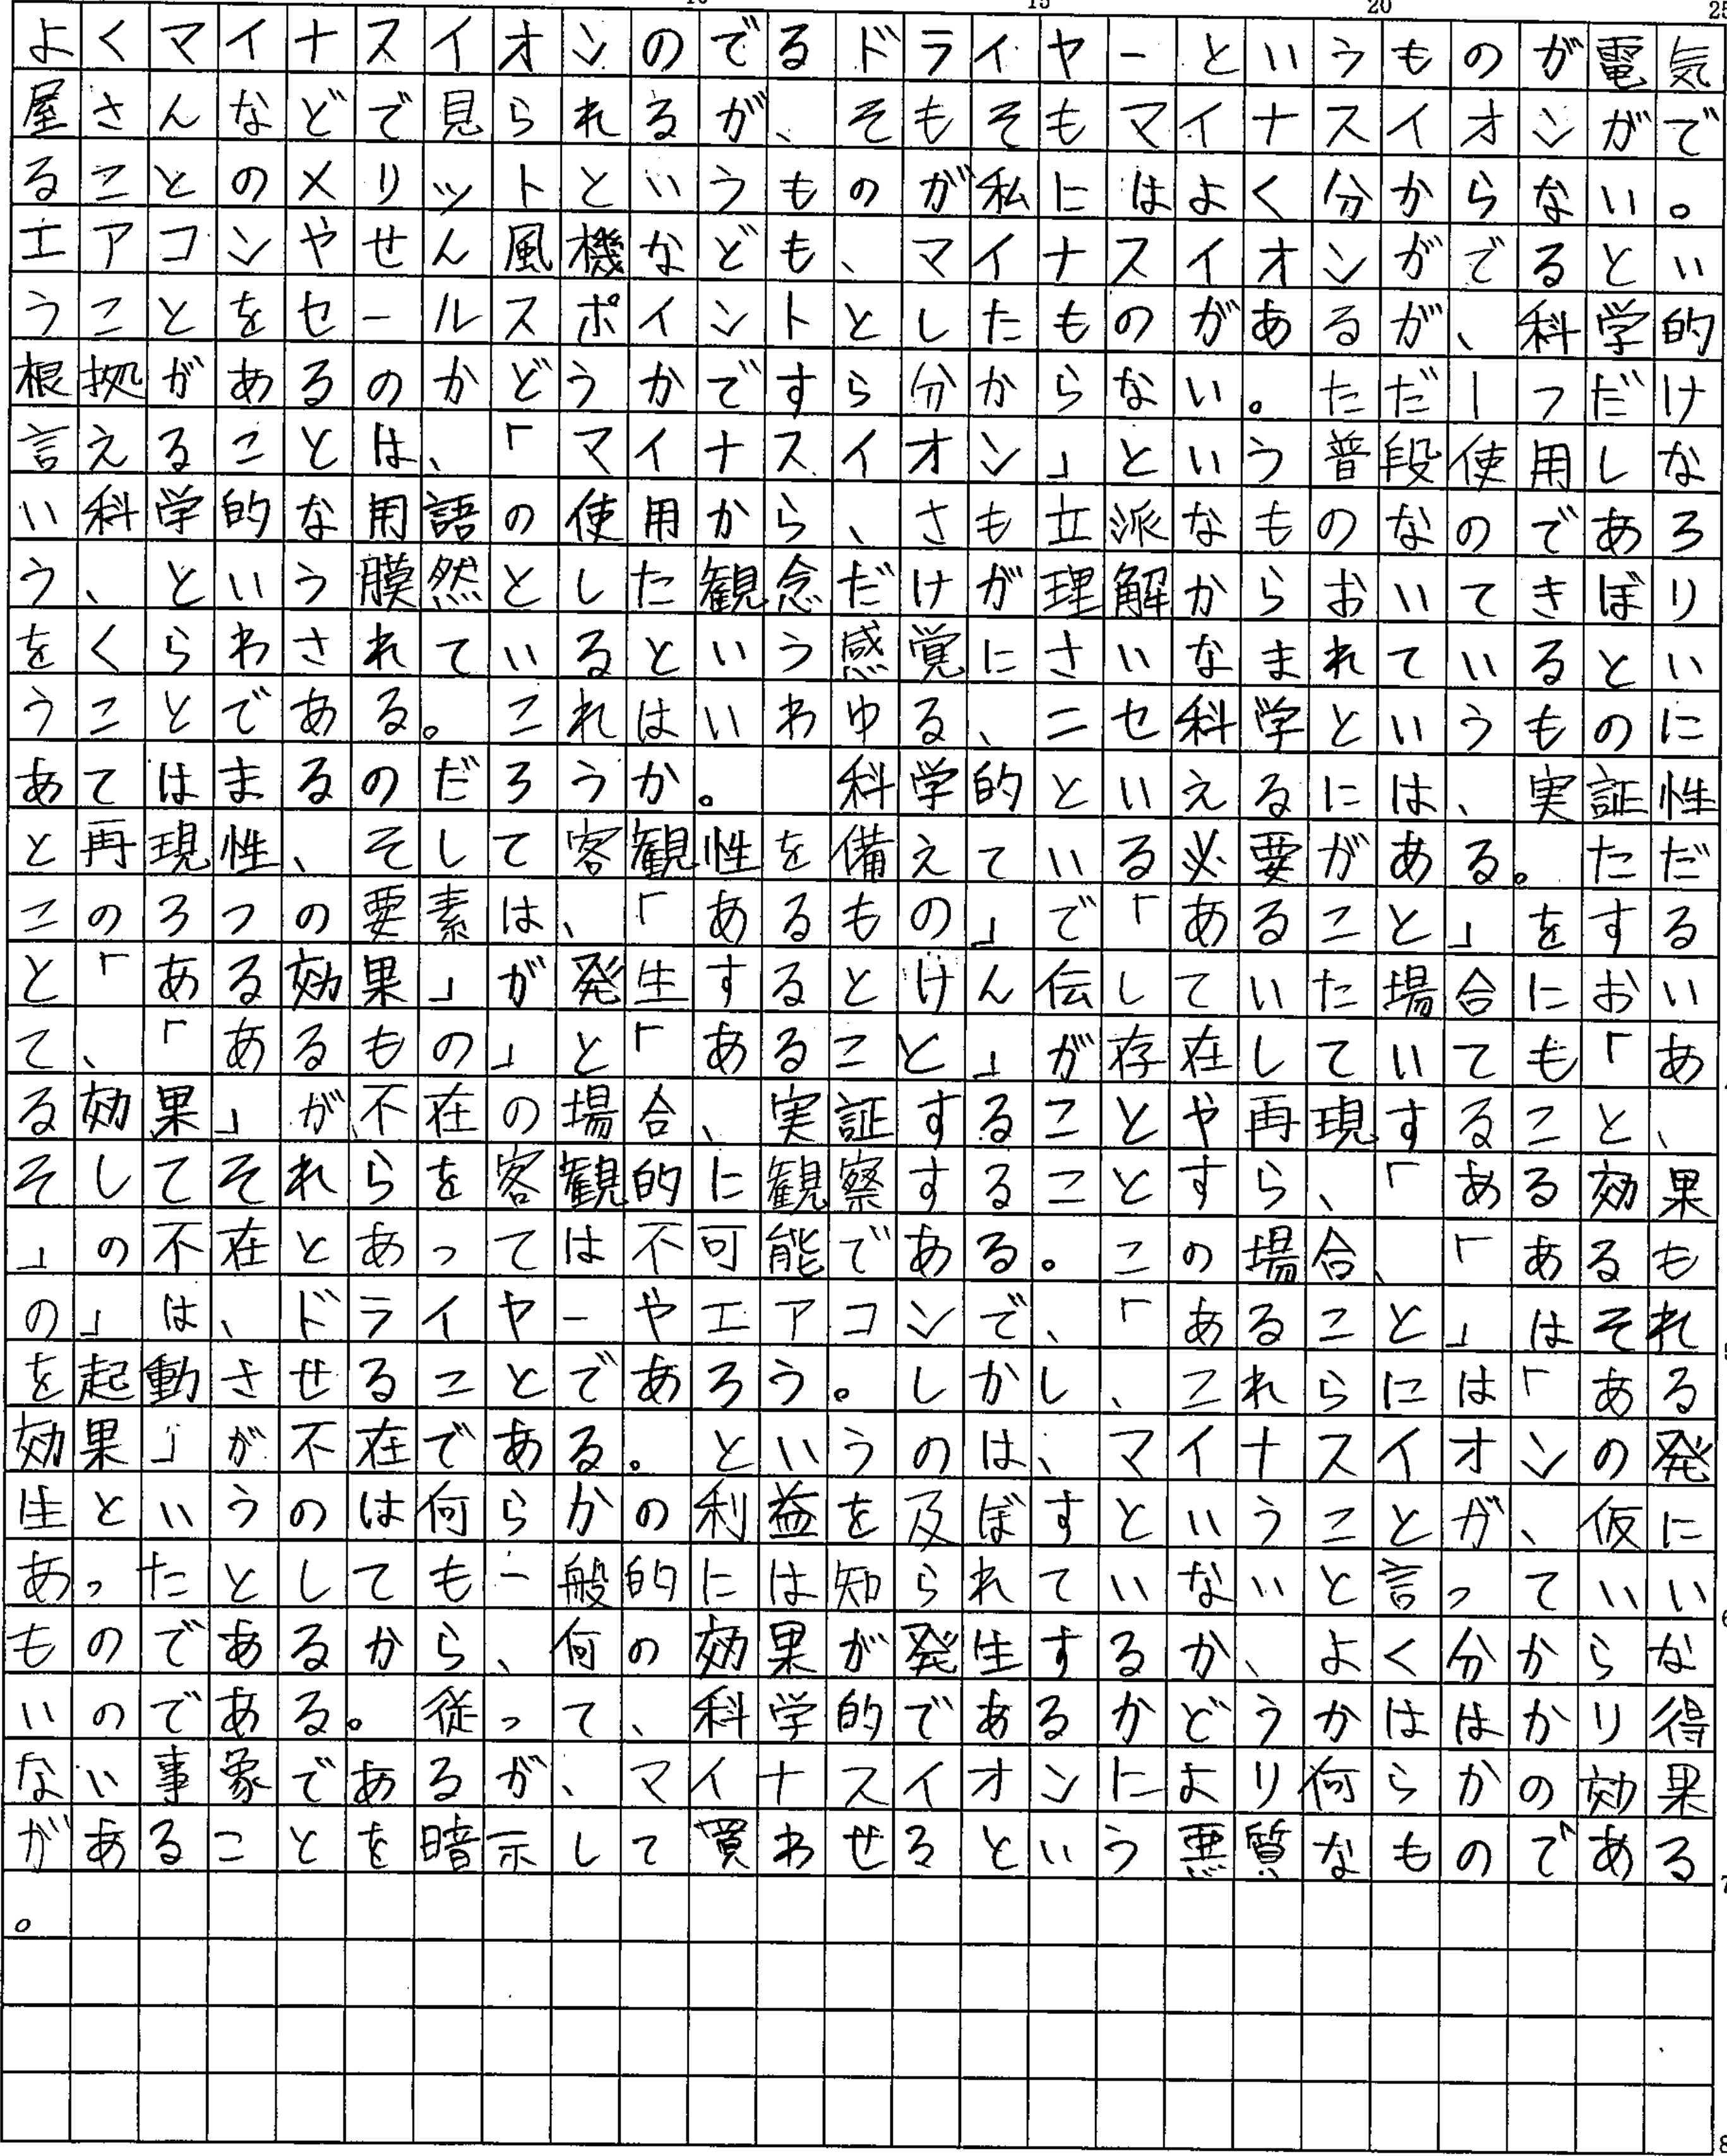よくマイナスイオンのでるドライヤーというものが電気屋さんなどで見られるが、そもそもマイナスイオンがでることのメリットというものが私にはよく分からない。エアコンやせん風機なども、マイナスイオンがでるということをセールスポイントとしたものがあるが、科学的根拠があるのかどうかですら分からない。ただ１つだけ言えることは、「マイナスイオン」という普段使用しない科学的な用語の使用から、さも立派なものなのであろう、という膜然とした観念だけが理解からおいてきぼりをくらわされているという感覚にさいなまれているということである。これはいわゆる、ニセ科学というものにあてはまるのだろうか。　科学的といえるには、実証性と再現性、そして客観性を備えている必要がある。ただこの３つの要素は、「あるもの」で「あること」をすると「ある効果」が発生するとけん伝していた場合において、「あるもの」と「あること」が存在していても「ある効果」が不在の場合、実証することや再現すること、そしてそれらを客観的に観察することすら、「ある効果」の不在とあっては不可能である。この場合、「あるもの」は、ドライヤーやエアコンで、「あること」はそれを起動させることであろう。しかし、これらには「ある効果」が不在である。というのは、マイナスイオンの発生というのは何らかの利益を及ぼすということが、仮にあったとしても一般的には知られていないと言っていいものであるから、何の効果が発生するか、よく分からないのである。従って、科学的であるかどうかははかり得ない事象であるが、マイナスイオンにより何らかの効果があることを暗示して買わせるという悪質なものである。
